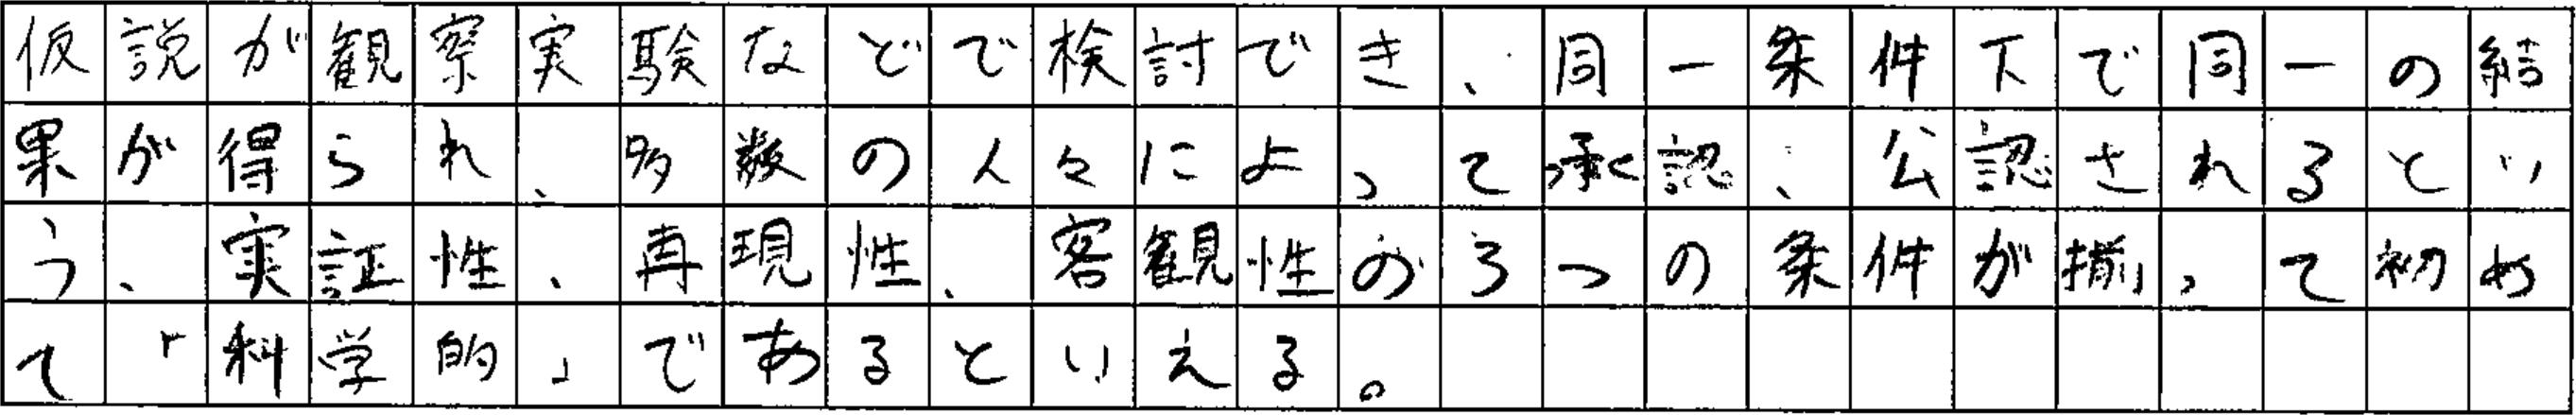仮説が観察実験などで検討でき、同一条件下で同一の結果が得られ、多数の人々によって承認、公認されるという、実証性、再現性、客観性の３つの条件が揃って初めて「科学的」であるといえる。
